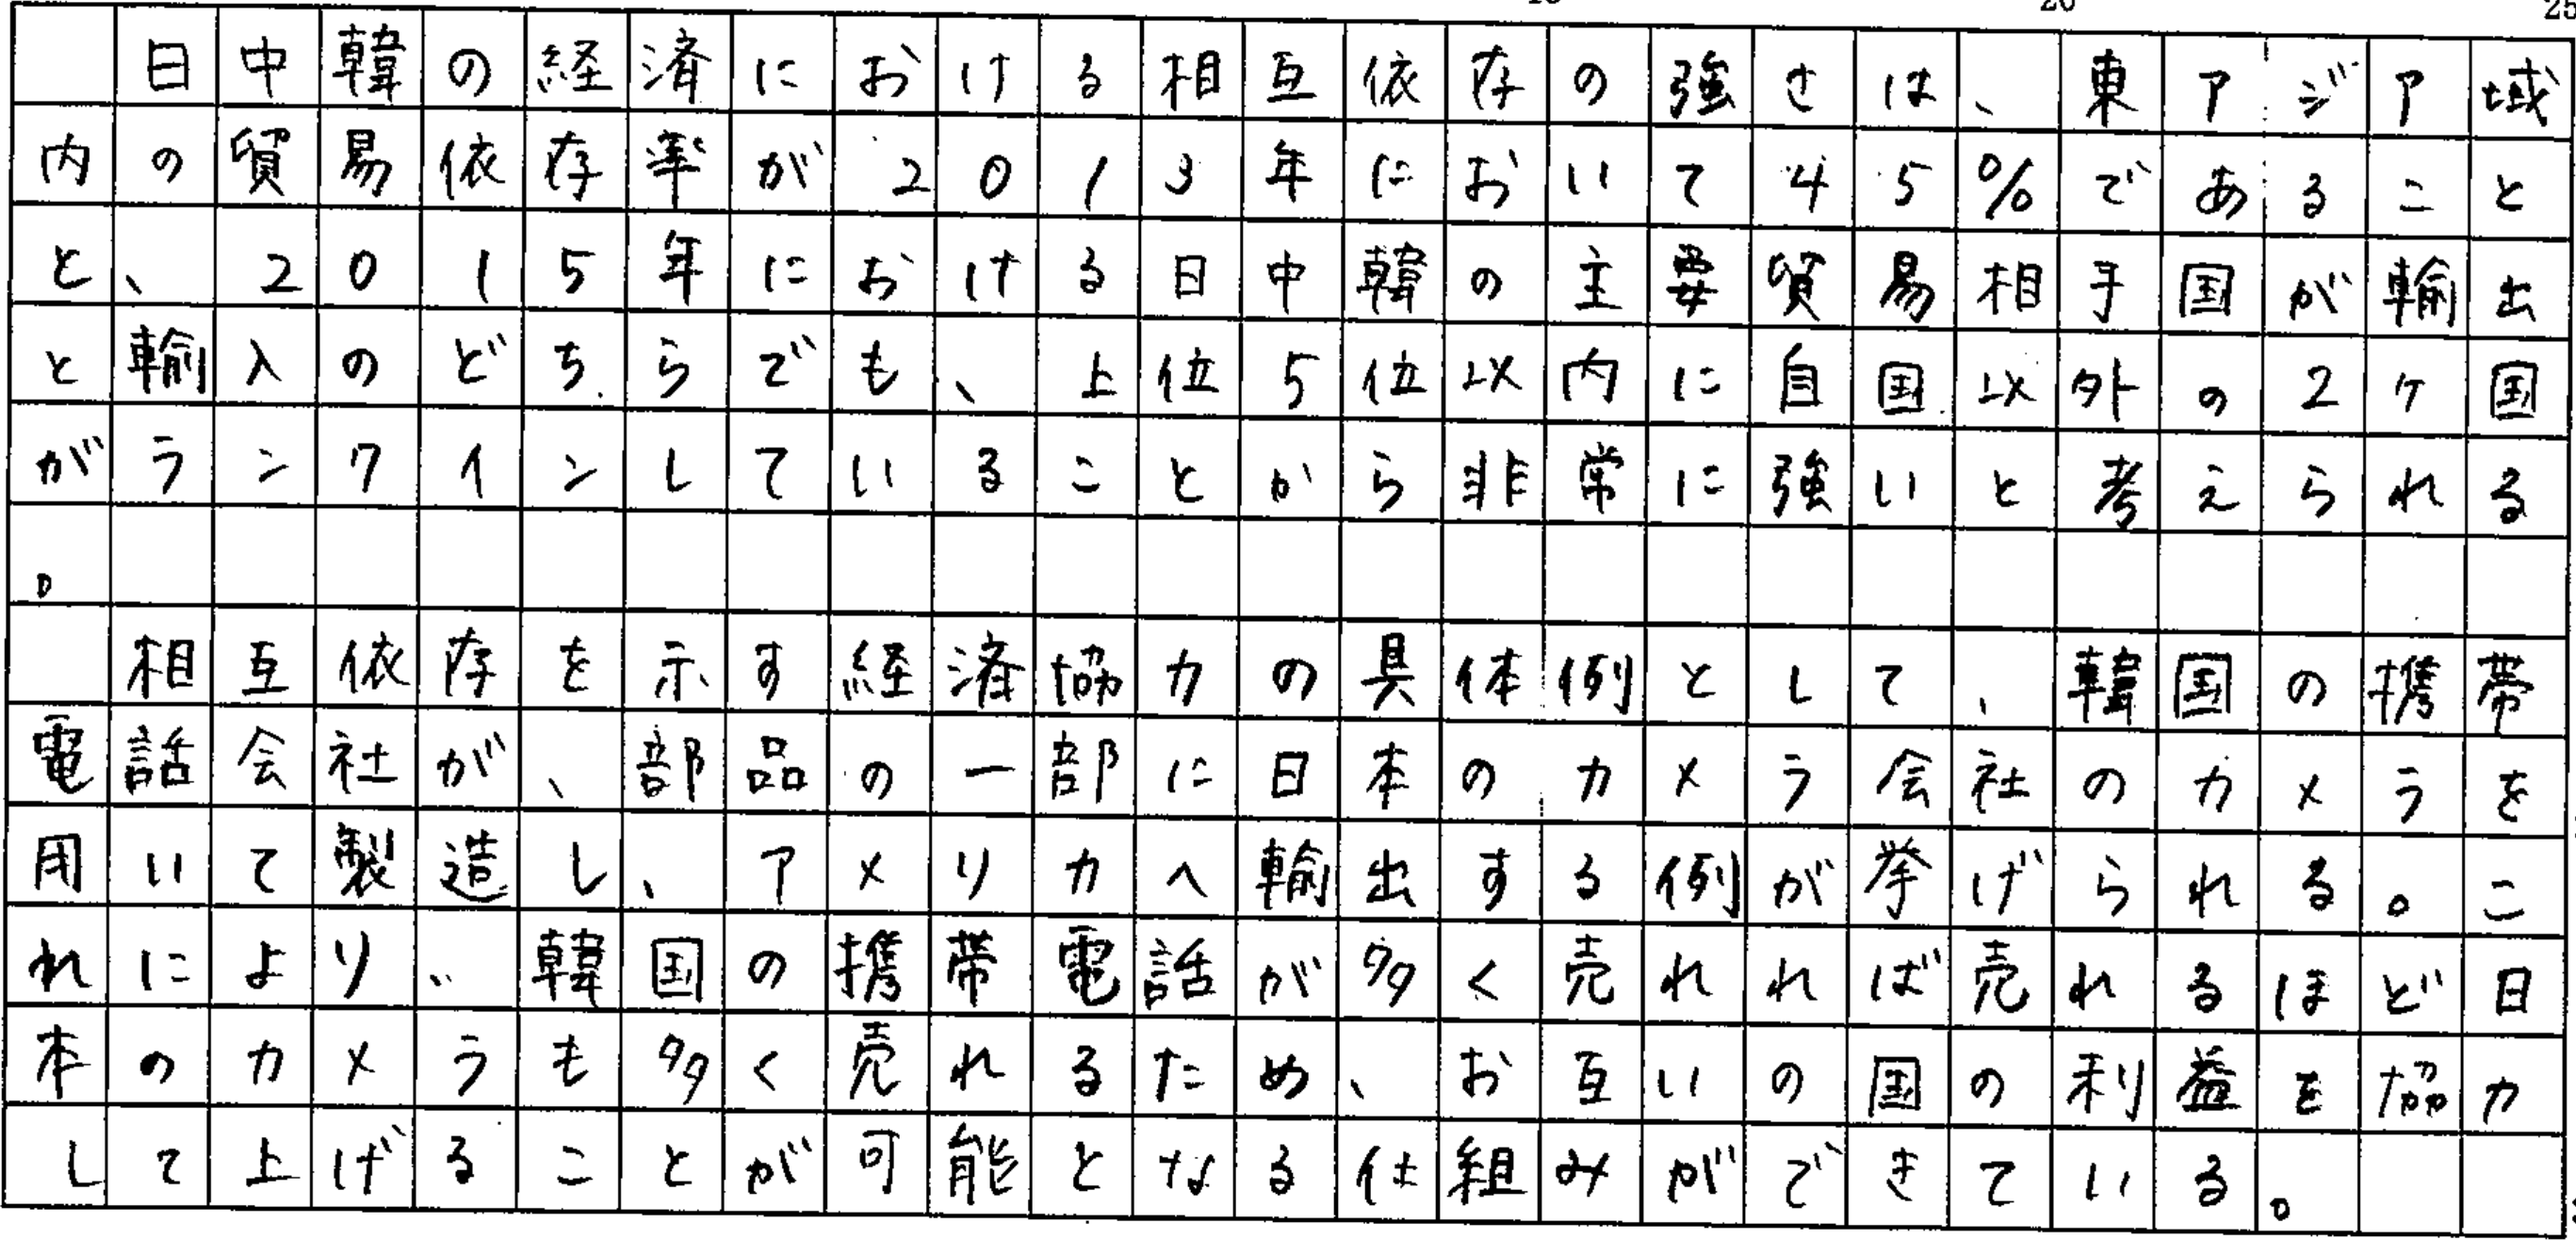　日中韓の経済における相互依存の強さは、東アジア域内の貿易依存率が２０１３年において４５％であることと、２０１５年における日中韓の主要貿易相手国が輸出と輸入のどちらでも、上位５位以内に自国以外の２ヶ国がランクインしていることから非常に強いと考えられる。
　相互依存を示す経済協力の具体例として、韓国の携帯電話会社が、部品の一部に日本のカメラ会社のカメラを用いて製造し、アメリカへ輸出する例が挙げられる。これにより、韓国の携帯電話が多く売れれば売れるほど日本のカメラも多く売れるため、お互いの国の利益を協力して上げることが可能となる仕組みができている。
